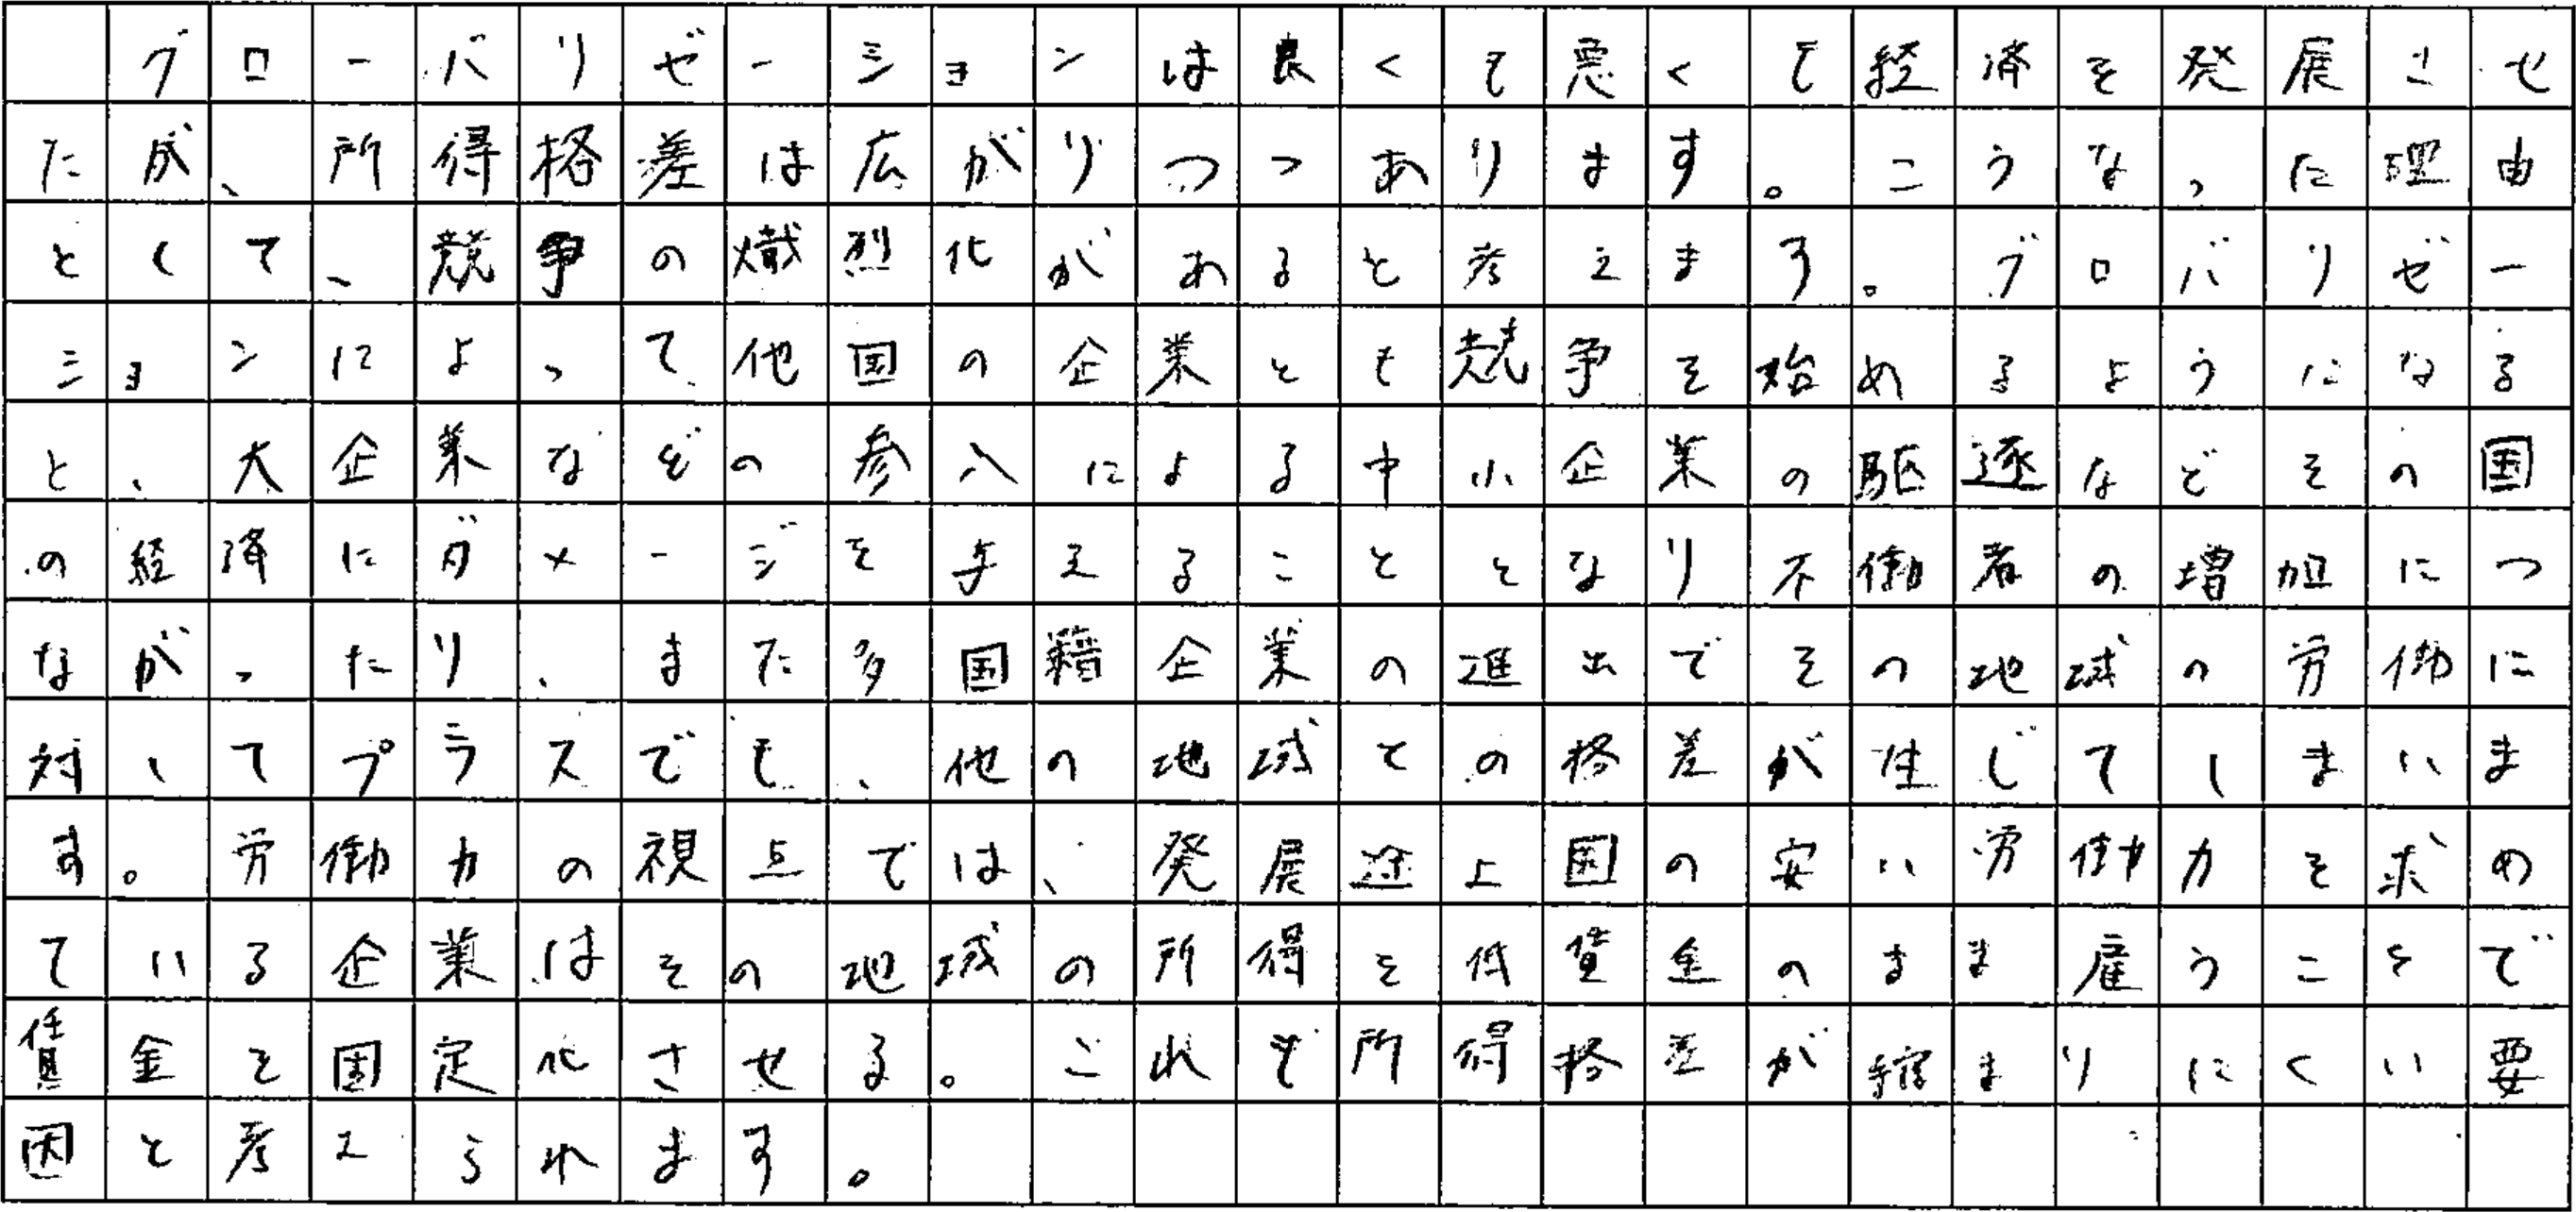　グローバリゼーションは良くも悪くも経済を発展させたが、所得格差は広がりつつあります。こうなった理由として、競争の熾烈化があると考えます。グロバリゼーションによって他国の企業とも競争を始めるようになると、大企業などの参入による中小企業の駆逐などその国の経済にダメージを与えることとなり不働者の増加につながったり、また多国籍企業の進出でその地域の労働に対してプラスでも、他の地域との格差が生じてしまいます。労働力の視点では、発展途上国の安い労働力を求めている企業はその地域の所得を低賃金のまま雇うことで賃金を固定化させる。これも所得格差が縮まりにくい要因と考えられます。
